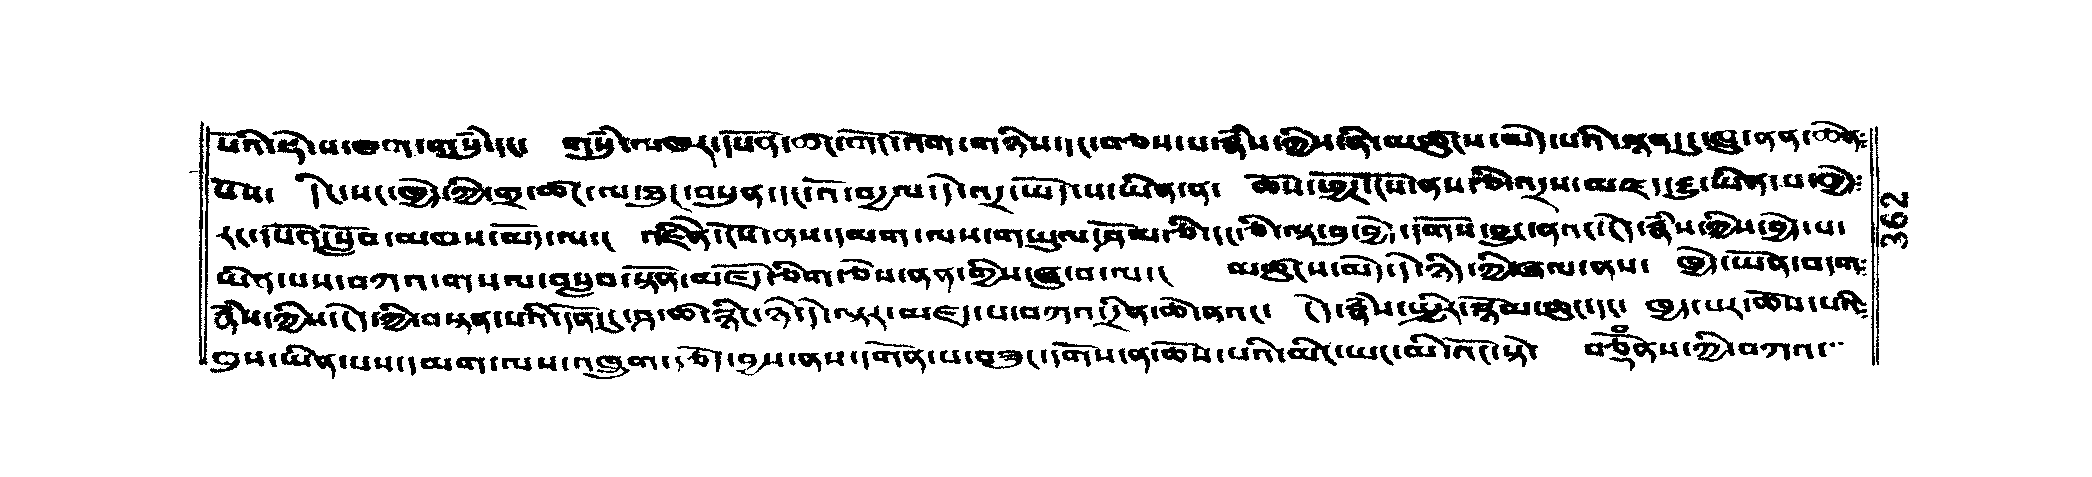པོའི་སྡེ་པ་ཁག་གསུམ་དང་། གསུམ་མཁར་དཔོན་ཚང་གོང་འོག་གཉིས་དང་བཅས་པ་རྣམས་ཀྱིས་ནི་མཚུངས་མེད་པའི་སྙན་དུ་ཞུ་ནན་ཆེན་
པོས། དེང་སང་ཁྱེད་ཀྱི་གྲྭ་ཚང་ལ་ཐུགས་བསུན་དང་འོ་བརྒྱལ་དེ་འདྲ་ཡོད་པ་ཡིན་ན། ཆོས་ཕྱོགས་ངོས་ནས་ཅི་འདྲ་མཛད་རྒྱུ་ཡིན་པ་ཁྱེད་
རང་དཔོན་སློབ་མཁས་མོད་ལ། འཇིག་རྟེན་ངོས་ནས་དམག་ལས་གཡུལ་ཤོམ་ཅི་དང་ཅི་ལྟ་བུ་བྱེད་དགོས་བྱུང་ནའང་ངེད་རྣམས་ཀྱིས་བྱེད་པ་
ཡིན་པས་བཀའ་གསལ་བསླབ་སྟོན་མཛོད་ཅིག་ཅེས་ནན་གྱིས་ཞུས་བ་ལ།མཚུངས་མེད་དེ་ཉིད་ཀྱི་ཞལ་ནས། ཁྱེད་ཡོན་བདག་
རྣམས་ཀྱིས་ངེད་ཀྱི་བསྟན་པའི་དོན་དུ་ཤ་ཚ་སྙིང་ཉེ་དེ་ལྟར་མཛད་པ་བཀའ་དྲིན་ཆེ་ནའང་། ངེད་རྣམས་སྤྱིར་སྙོམ་ཆུང་དང་། ཁྱད་པར་ཆོས་པའི་
ཁུལ་ཡིན་པས་དམག་ལས་འཁྲུག་རྩོད་བྱས་ནས་དགོན་པ་བཟུང་དགོས་ན་ཆོས་པའི་མིང་ཡང་མི་འོང་སྟེ། བཅོམ་ལྡན་འདས་ཀྱི་བཀའ་